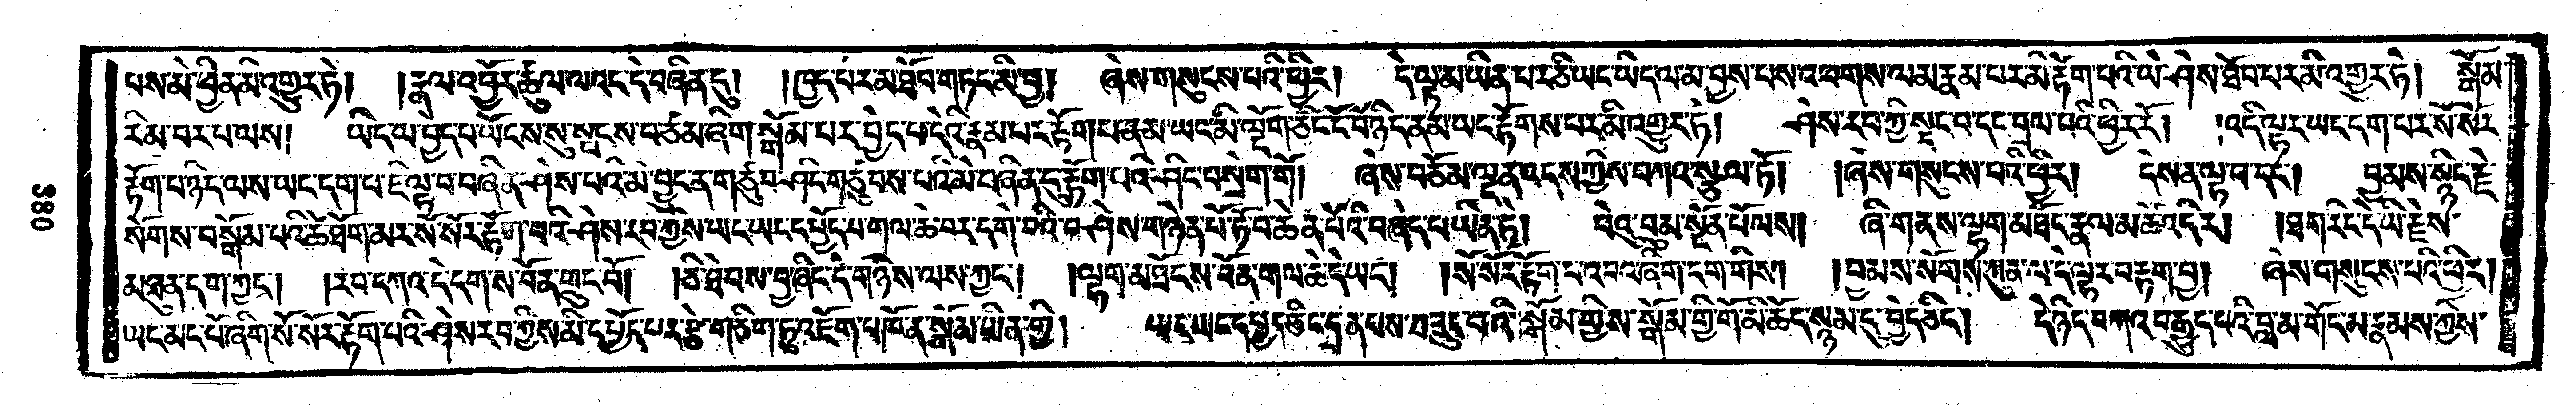པས་མེ་ཕྱིན་མི་འགྱུར་ཏེ། །རྣལ་འབྱོར་ཚུལ་ལའང་དེ་བཞིན་དུ། །ཁྱད་པར་མ་ཐོབ་གཏང་མི་བྱ། ཞེས་གསུངས་པའི་ཕྱིར། དེ་ལྟ་མ་ཡིན་པར་ཅི་ཡང་ཡིད་ལ་མ་བྱས་པས་འཕགས་ལམ་རྣམ་པར་མི་རྟོག་པའི་ཡེ་ཤེས་ཐོབ་པར་མི་འགྱུར་ཏེ། སྒོམ་
རིམ་པར་པ་ལས། ཡིད་ལ་བྱེད་པ་ཡོངས་སུ་སྤངས་པ་ཙམ་ཞིག་སྒོམ་པར་བྱེད་པ་དེའི་རྣམ་པར་རྟོག་པ་ནམ་ཡང་མི་ལྡོག་ཅིང་ངོ་བོ་ཉིད་ནམ་ཡང་རྟོགས་པར་མི་འགྱུར་ཏེ། ཤེས་རབ་ཀྱི་སྡང་བ་དང་བྲལ་བའི་ཕྱིར་རོ། །འདི་ལྟར་ཡང་དག་པར་སོ་སོར་
རྟོག་པ་ཉིད་ལས་ཡང་དག་པ་ཇི་ལྟ་བ་བཞིན་ཤེས་པའི་མེ་བྱུང་ན་གཙུབ་ཤིང་གཙུབས་པའི་མེ་བཞིན་དུ་རྟོག་པའི་ཤིང་བསྲེག་གོ། ཞེས་བཅོམ་ལྡན་འདས་ཀྱིས་བཀའ་སྩལ་ཏོ། །ཞེས་གསུངས་པའི་ཕྱིར། དེས་ན་ལྟ་བ་དང་། བྱམས་སྙིང་རྗེ་
སོགས་བསྒོམ་པའི་ཆོ་ཐོག་མར་སོ་སོར་རྟོག་བའི་ཤེས་རབ་ཀྱིས་ཡང་ཡང་སྤྱོད་པ་གལ་ཆེ་བར་དགེ་བའི་བཤེས་གཉེན་པོ་ཏོ་བ་ཆེན་པོའི་བཞེད་པ་ཡིན་ཏེ། བེའུ་བུམ་སྔོན་པོ་ལས། ཞི་གནས་ལྷག་མཐོང་རྣལ་མྶྟེ་འདིར། །ཐག་རིང་དེ་ཡི་རྗེས་
མཐུན་དག་ཀྱང་། །རབ་དཀའ་དེ་དག་ས་བོན་གྲུང་བོ། །ཅི་ཐེབས་བྱ་ཞིང་དེ་གཉིས་ལས་ཀྱང་། །ལྷག་མཐོང་ས་བོན་གལ་ཆེ་དེ་ཡང་། །སོ་སོར་རྟོག་པ་འབའ་ཞིག་དག་གིས། །བྱམས་སོགས་ཀུན་ལ་དེ་ལྟར་བརྟག་བྱ། ཞེས་གསུངས་པའི་ཕྱིར།
ཡང་མང་པོ་ཞིག་སོ་སོར་རྟོག་པའི་ཤེས་རབ་ཀྱིས་མི་དཔྱོད་པར་རྩེ་གཅིག་ཏུ་འཇོག་པ་ཁོ་ན་སྒོམ་ཡིན་གྱི། ཡང་ཡང་དཔྱད་ཅིང་དྲན་པས་བཟུང་བའི་སྒོམ་གྱིས་སྒོམ་གྱི་གོ་མི་ཆོད་སྙམ་དུ་བྱེད་ཅིང་། དེ་ཉིད་བཀའ་བརྒྱུད་པའི་བླ་མ་གོང་མ་རྣམས་ཀྱི་